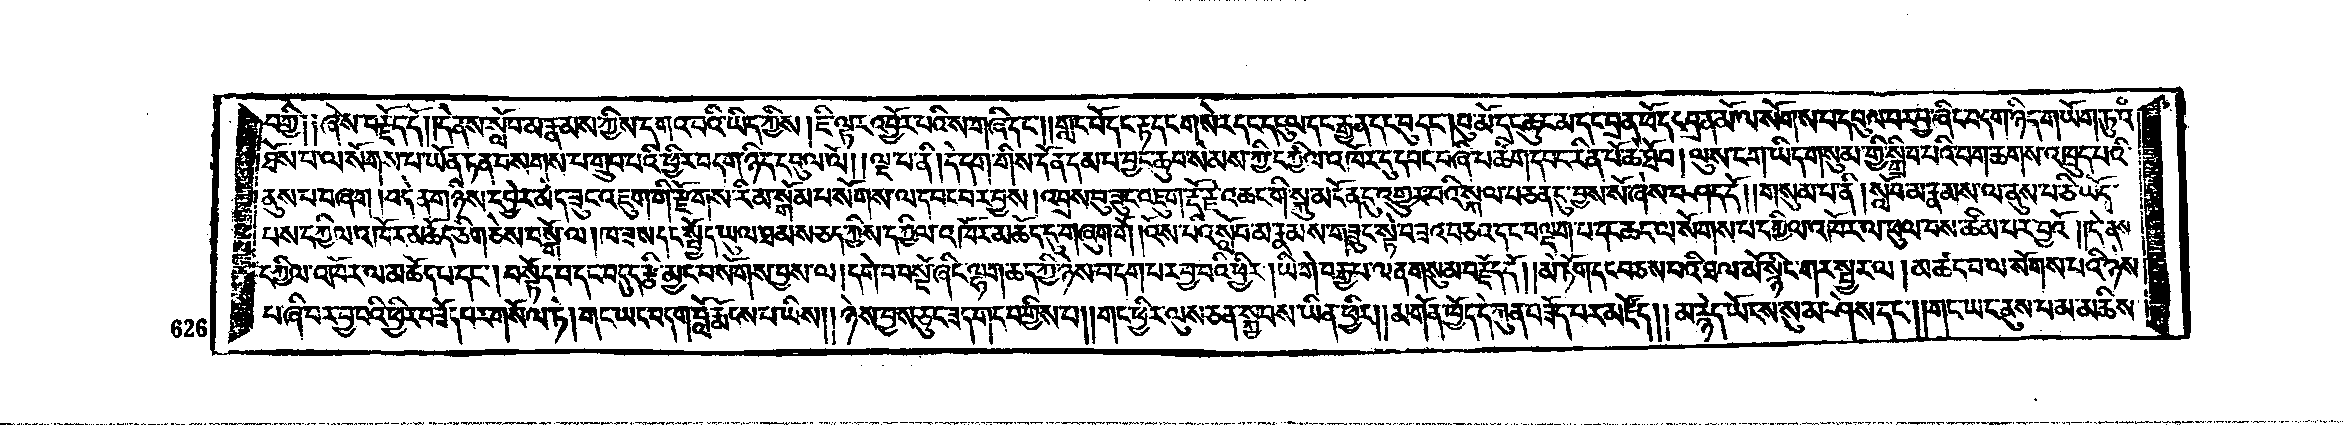བགྱི། །ཞེས་བརྗོད་དོ། །དེ་ནས་སློབ་མ་རྣམས་ཀྱིས་དགའ་བའི་ཡིད་ཀྱིས། ཇི་ལྟར་འབྱོར་བའི་ས་གཞི་དང་། །གླང་པོ་དང་རྟ་དང་གསེར་དང་དངུལ་དང་རྒྱན་དང་བུ་དང་། བུ་མོ་དང་ཆུང་མ་དང་བྲན་ཕོ་དང་བྲན་མོ་ལ་སོགས་པ་དབུལ་བར་བྱ་ཞིང་བདག་ཉིད་གཡོག་ཏུ་འཾ་
ཐོས་པ་ལ་སོགས་པ་ཡོན་ཏན་བསགས་པ་གྲུབ་པའི་ཕྱིར་བདག་ཉིད་དབུལ་ལོ། །ལྔ་པ་ནི། དེ་དག་གིས་དོན་དམ་པ་བྱང་ཆུབ་སེམས་ཀྱི་དཀྱིལ་འཁོར་དུ་དབང་བཞི་པ་ཚིག་དབང་རིན་པོ་ཆེ་ཐོབ། ལུས་ངག་ཡིད་གསུམ་གྱི་སྒྲིབ་པའི་བག་ཆགས་འཁྲུད་པའི་
ནུས་པ་བཞག །བདེན་གཉིས་དབྱེར་མེད་ཟུང་འཇུག་གི་རྫོགས་རིམ་སྒོམ་པ་སོགས་ལ་དབང་བར་བྱས། །འབྲས་བུ་ཟུང་འཇུག་རྡོ་རྗེ་འཆང་གི་སྐུ་མངོན་དུ་འགྱུར་བའི་སྐལ་པ་ཅན་དུ་བྱས་སོ་ཞེས་བཤད་དོ། །གསུམ་པ་ནི། སློབ་མ་རྣམས་ལ་ནུས་པ་ཅི་ཡོད་
པས་དཀྱིལ་འཁོར་མཆོད་ཅིག་ཅེས་བསྒོ་ལ། ཁ་ཟས་དང་སྤྱོད་ཡུལ་ཐམས་ཅད་ཀྱིས་དཀྱིལ་འཁོར་མཆོད་དུ་གཞུག་གོ །འོས་པའི་སློབ་མ་རྣམས་གཟུང་སྟེ་བཟའ་བཅའ་དང་བལྡག་པ་དང་ཆང་ལ་སོགས་པ་དཀྱིལ་འཁོར་ལ་ཕུལ་བས་ཚིམ་པར་བྱའོ། །དེ་ནས་
དཀྱིལ་འཁོར་ལ་མཆོད་པ་དང་། བསྟོད་པ་དང་བདུད་རྩི་མྱང་བ་སོགས་བྱས་ལ། དགེ་བ་བསྔོ་ཞིང་ལྷག་ཆད་ཀྱི་ཉེས་བདག་པར་བྱ་བའི་ཕྱིར། ཡི་གེ་བརྒྱ་པ་ལན་གསུམ་བརྗོད་དོ། །མེ་ཏོག་དང་བཅས་པའི་ཐལ་མོ་སྙིང་གར་སྦྱར་ལ། མ་ཚང་བ་ལ་སོགས་པའི་ཉེས་
པ་ཞི་བར་བྱ་བའི་ཕྱིར་བཟོད་པར་གསོལ་ཏེ། གང་ཡང་བདག་བློ་རྨོངས་པ་ཡིས། །ཉེས་བྱས་ཅུང་ཟད་གང་བགྱིས་པ། །གང་ཕྱིར་ལུས་ཅན་སྐྱབས་ཡིན་ཕྱིར། །མགོན་ཁྱོད་དེ་ཀུན་བཟོད་པར་མཛོད། །མ་རྙེད་ཡོངས་སུ་མ་ཤེས་དང་། །གང་ཡང་ནུས་པ་མ་མཆིས་